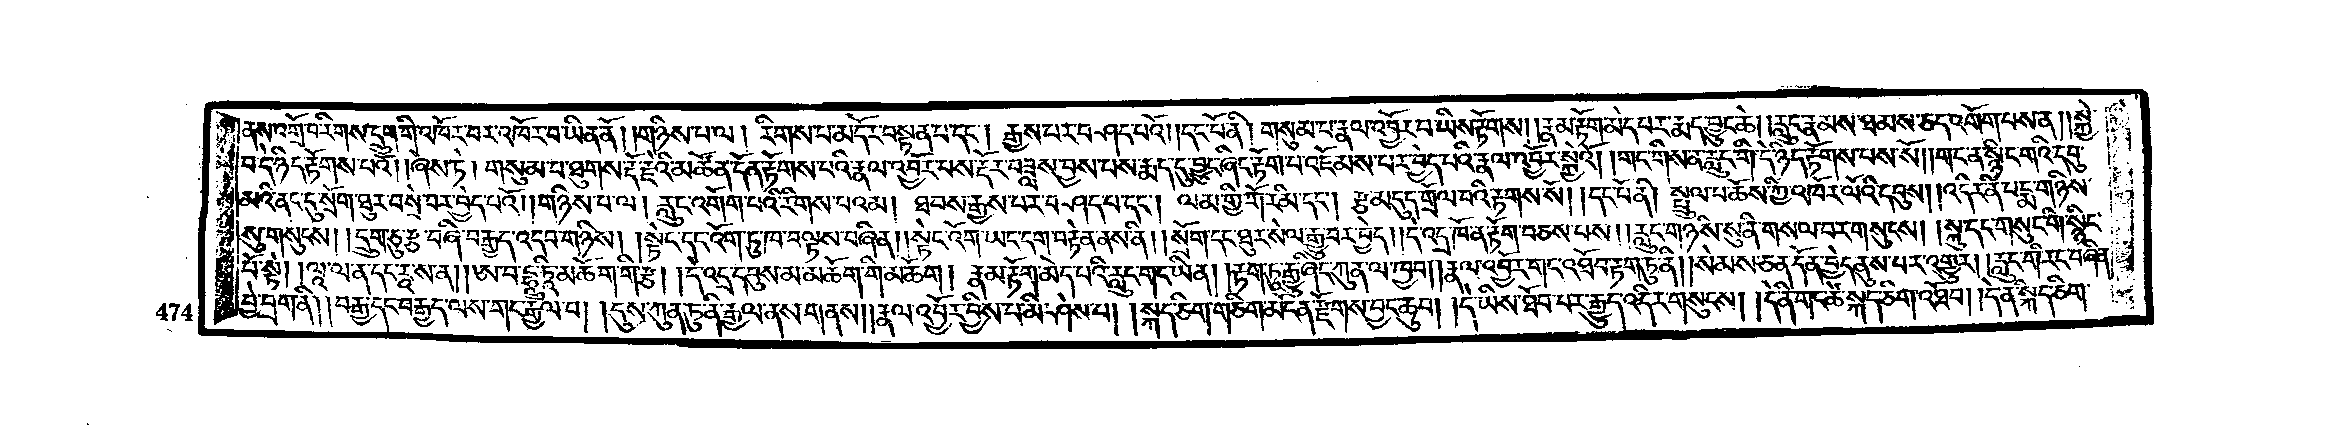ནས་འགྲོ་བ་རིགས་དྲུག་གི་འཁོར་བར་འཁོར་བ་ཡིན་ནོ། །གཉིས་པ་ལ། རིགས་པ་མདོར་བསྟན་པ་དང་། རྒྱས་པར་བཤད་པའོ། །དང་པོ་ནི། གསུམ་པ་རྣལ་འབྱོར་པ་ཡིས་རྟོགས། །རྣམ་རྟོག་མེད་པར་རྨད་བྱུང་ཆེ། །རླུང་རྣམས་ཐམས་ཅད་འགོག་པས་ན། །སྐྱེ་
བ་དེ་ཉིད་རྟོགས་པའོ། །ཞེས་ཏེ། གསུམ་པ་ཐུགས་རྡོ་རྗེའི་མཚོན་དོན་རྟོགས་པའི་རྣལ་འབྱོར་པས་རྡོར་བཟླས་བྱས་པས་རྨད་དུ་བྱུང་ཞིང་རྟོག་པ་འཇོམས་པར་བྱེད་པའི་རྣལ་འབྱོར་སྐྱེའོ། །གང་གིས་ན་རླུང་གི་དེ་ཉིད་རྟོགས་པས་སོ། །གང་ན་སྙིང་གའི་དབུ་
མའི་ནང་དུ་སྲོག་ཐུར་བསྲེ་བར་བྱེད་པའོ། །གཉིས་པ་ལ། རླུང་འགོག་པའི་རིགས་པའམ། ཐབས་རྒྱས་པར་བཤད་པ་དང་། ལམ་གྱི་གོ་རིམ་དང་། རྩ་མདུད་གྲོལ་བའི་རྟགས་སོ། །དང་པོ་ནི། སྤྲུལ་པ་ཆོས་ཀྱི་འཁོར་ལོའི་དབུས། །འདིར་ནི་པདམ་གཉིས་
སུ་གསུངས། །དྲུག་ཅུ་རྩ་བཞི་བརྒྱད་འདབ་གཉིས། །སྟེང་དང་འོག་ཏུ་ཁ་བལྟས་བཞིན། །སྟེང་འོག་ཡང་དག་བརྟེན་ནས་ནི། །སྲོག་དང་ཐུར་སེལ་རྒྱུ་བར་བྱེད། །དེ་འདྲ་ཁོ་ན་རྟོག་བཅས་པས། །རླུང་གཉིས་སུ་ནི་གསལ་བར་གསུངས། །སྐུ་དང་གསུང་གི་སྙིང་
པོ་སྟེ། །ལཱ་ལ་ན་དང་རཱ་ས་ན། །ཨ་བ་དྷཱུ་ཏཱི་མཆོག་གི་རྩ། །དེ་འདྲ་དབུས་མ་མཆོག་གི་མཆོག །རྣམ་རྟོག་མེད་པའི་རླུང་གང་ཡིན། །རྟག་ཏུ་རྒྱུ་ཞིང་ཀུན་ལ་ཁྱབ། །རྣལ་འབྱོར་གང་འཐོབ་རྟག་ཏུ་ནི། །སེམས་ཅན་དོན་བྱེད་ནུས་པར་འགྱུར། །རླུང་གི་རང་བཞིན་
བྱེ་བྲག་ནི། །བརྒྱ་དང་བརྒྱད་ལས་གང་རྒྱལ་བ། །དུས་ཀུན་ཏུ་ནི་རྒྱལ་ནས་གནས། །རྣལ་འབྱོར་བྱིས་པ་མི་ཤེས་པ། །སྐད་ཅིག་གཅིག་མངོན་རྫོགས་བྱང་ཆུབ། །དེ་ཡིས་ཐོབ་པར་རྒྱུད་འདིར་གསུངས། །དེ་ནི་གང་ཚེ་སྐད་ཅིག་འཐོབ། །དེ་ནི་སྐད་ཅིག་